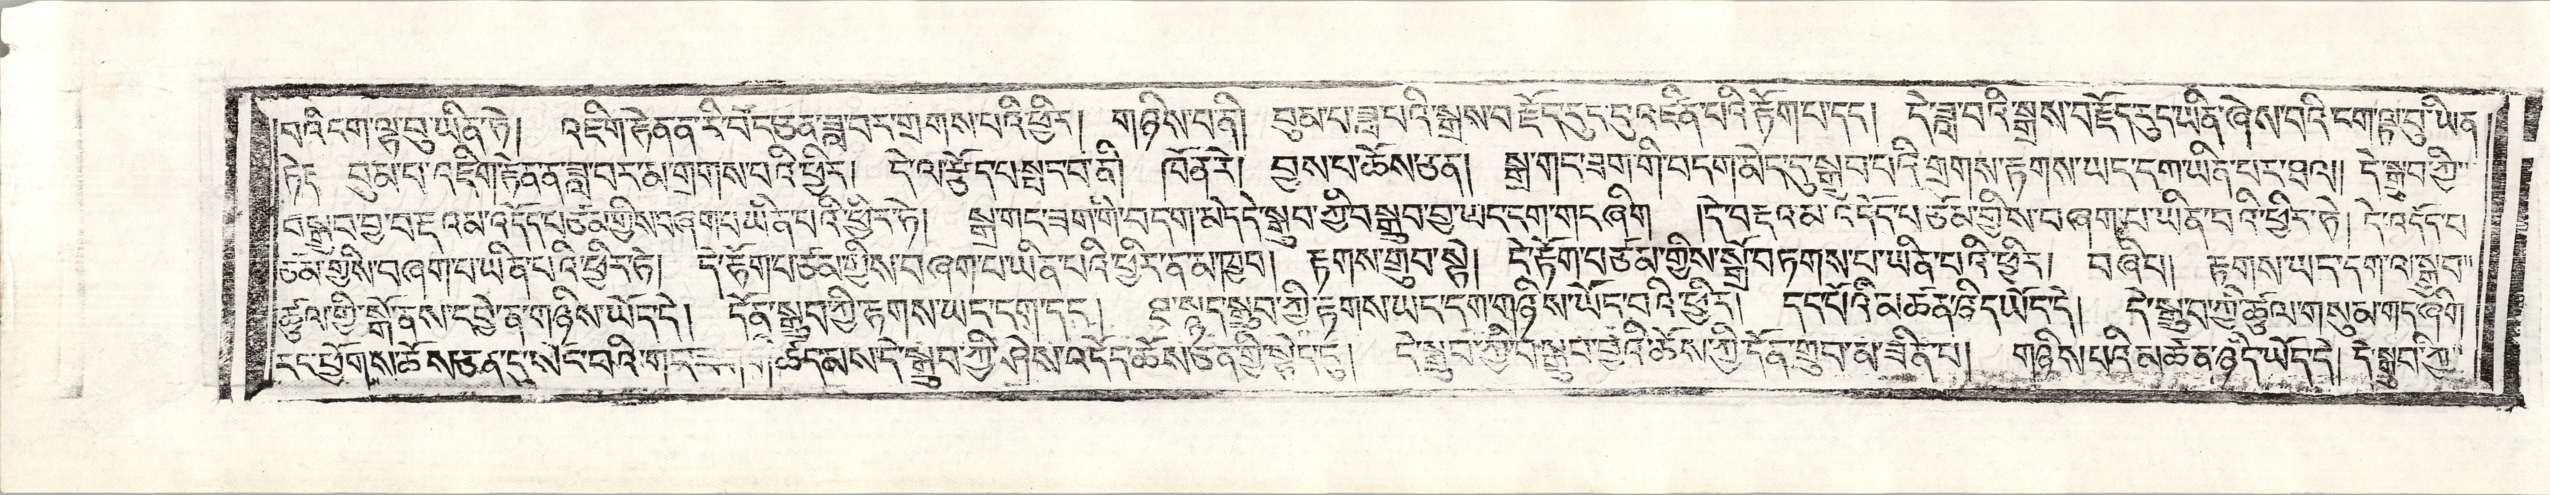པའི་ངག་ལྟ་བུ་ཡིན་ཏེ། འཇིག་རྟེན་ན་རི་བོང་ཅན་ཟླ་བར་གྲགས་པའི་ཕྱིར། གཉིས་པ་ནི། བུམ་པ་ཟླ་བའི་སྒྲས་བརྗོད་རུང་དུ་འཛིན་པའི་རྟོག་པ་དང་། དེ་ཟླ་བའི་སྒྲས་བརྗོད་རུང་ཡིན་ཞེས་པའི་ངག་ལྟ་བུ་ཡིན་
ཏེ། བུམ་པ་འཇིག་རྟེན་ན་ཟླ་བར་མ་གྲགས་པའི་ཕྱིར། དེ་ལ་རྩོད་པ་སྤོང་བ་ནི། ཁོ་ན་རེ། བྱས་པ་ཆོས་ཅན། སྒྲ་གང་ཟག་གི་བདག་མེད་དུ་སྒྲུབ་པའི་གྲགས་རྟགས་ཡང་དག་ཡིན་པར་ཐལ། དེ་སྒྲུབ་ཀྱི་
བསྒྲུབ་བྱ་བརྡ་འམ་འདོད་པ་ཙམ་གྱིས་བཞག་པ་ཡིན་པའི་ཕྱིར་ཏེ། སྒྲ་གང་ཟག་གི་བདག་མེད་དེ་སྒྲུབ་ཀྱི་བསྒྲུབ་བྱ་ཡང་དག་གང་ཞིག །དེ་བརྡའམ་འདོད་པ་ཙམ་གྱིས་བཞག་པ་ཡིན་པའི་ཕྱིར་ཏེ། དེ་འདོད་པ་
ཙམ་གྱིས་བཞག་པ་ཡིན་པའི་ཕྱིར་ཏེ། དེ་རྟོག་པ་ཙམ་གྱིས་བཞག་པ་ཡིན་པའི་ཕྱིར་ན་མ་ཁྱབ། རྟགས་གྲུབ་སྟེ། དེ་རྟོག་པ་ཙམ་གྱིས་སྒྲོ་བཏགས་པ་ཡིན་པའི་ཕྱིར། བཞི་བ། རྟགས་ཡང་དག་ལ་སྒྲུབ་
ཚུལ་གྱི་སྒོ་ནས་དབྱེ་ན་གཉིས་ཡོད་དེ། དོན་སྒྲུབ་ཀྱི་རྟགས་ཡང་དག་དང་། ཐ་སྙད་སྒྲུབ་ཀྱི་རྟགས་ཡང་དག་གཉིས་ཡོད་པའི་ཕྱིར། དང་པོའི་མཚན་ཉིད་ཡོད་དེ། དེ་སྒྲུབ་ཀྱི་ཚུལ་གསུམ་གང་ཞིག །
རང་ཕྱོགས་ཆོས་ཅན་དུ་སོང་བའི་གང་ཟག་གི་ཚད་མས་དེ་སྒྲུབ་ཀྱི་ཤེས་འདོད་ཆོས་ཅན་གྱི་སྟེང་དུ། དེ་སྒྲུབ་ཀྱི་བསྒྲུབ་བྱའི་ཆོས་ཀྱི་དོན་གྲུབ་མ་ཟིན་པ། གཉིས་པའི་མཚན་ཉིད་ཡོད་དེ། དེ་སྒྲུབ་ཀྱི་